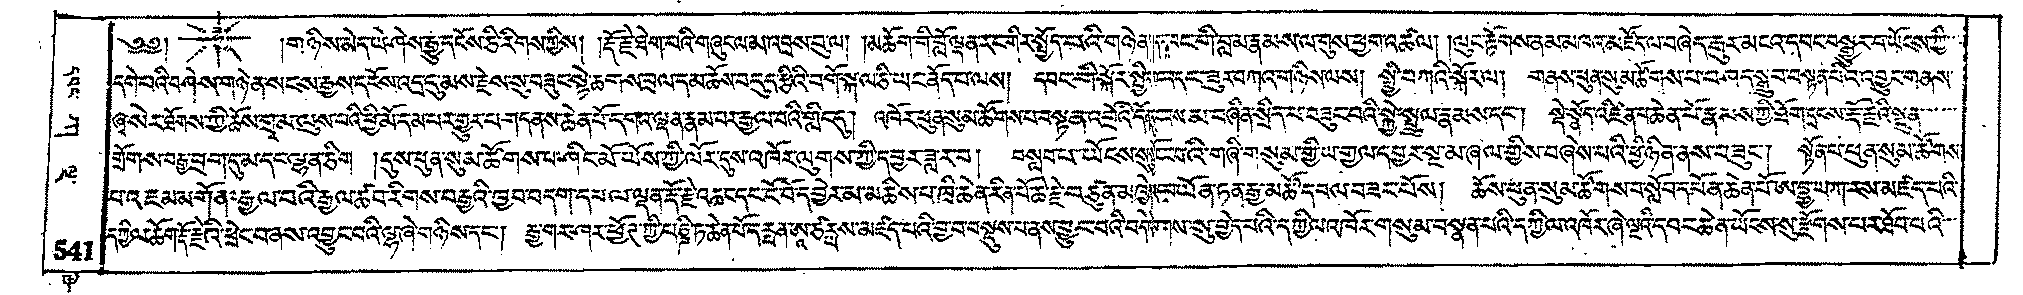༄༅། །གཉིས་མེད་ཡེ་ཤེས་རྒྱུ་དངོས་ཅི་རིགས་ཀྱིས། །རྡོ་རྗེ་ཐེག་པའི་གཞུང་ལམ་འབྲས་བུ་ལ། །མཆོག་གི་བློ་ལྡན་རང་གིར་སྤྱོད་པའི་གཉེན། །དབང་གི་བླ་མ་རྣམས་ལ་གུས་ཕྱག་འཚལ། །ལུང་རྟོགས་ནམ་མཁའ་མཛོད་ལ་བཞེད་རྒྱུར་མངའ་དབང་བསྒྱུར་བ་ཡོངས་ཀྱི་
དགེ་བའི་བཤེས་གཉེན་སངས་རྒྱས་དངོས་འདྲ་དུ་མས་རྗེས་སུ་བཟུང་སྟེ་ཆགས་བྲམ་དམ་ཆོས་བདུད་རྩིའི་བགོ་སྐལ་ཅི་ཡང་ནོད་པ་ལས། དབང་གི་སྐོར་སྤྱི་བཀའ་དང་ཟུར་བཀའ་གཉིས་ལས། སྤྱི་བཀའ་སྐོར་ལ། གནས་ཕུན་སུམ་ཚོགས་པ་བཤད་སྒྲུབ་བསྟན་པའི་འབྱུང་གནས་
ཞྭ་སེར་ཐོགས་ཀྱི་ཆོས་གྲྭ་མ་ལུས་པའི་ཕྱིར་མོ་དམ་པར་གྱུར་པ་གདན་ས་ཆེན་པོ་དགའ་ལྡན་རྣམ་པར་རྒྱལ་བའི་གླིང་དུ། འཁོར་ཕུན་སུམ་ཚོགས་པ་བསྟན་འགྲོའི་དོན་དུ་བསམ་བཞིན་སྲིད་པ་བཟུང་བའི་སྐྱེ་སྤྲུལ་རྣམས་དང་། སྡེ་སྣོད་འཛིན་པ་ཆེན་པོ་རྣམས་ཀྱི་ཐོག་དྲངས་རྡོ་རྗེའི་སྤུན་
གྲོགས་བརྒྱ་ཕྲག་དུ་མ་དང་ལྷན་ཅིག །དུས་ཕུན་སུམ་ཚོགས་པ་ཤིང་མོ་ཡོས་ཀྱི་ལོར་དུས་འཁོར་ལུགས་ཀྱི་དབྱར་ཟླ་ར་བ། བསླབ་པ་ཡོངས་སུ་སྦྱོང་བའི་གཞི་གསུམ་གྱི་ཡ་གྱལ་དབྱར་སྔ་མ་ཞལ་གྱིས་བཞེས་པའི་ཕྱི་ཉིན་ནས་བཟུང་། སྟོན་པ་ཕུན་སུམ་ཚོགས་
པ་འཇམ་མགོན ༧རྒྱལ་བའི་རྒྱལ་ཚབ་རིགས་བརྒྱའི་ཁྱབ་བདག་དཔལ་ལྡན་རྡོ་རྗེ་འཆང་དང་ངོ་བོ་དབྱེར་མ་མཆིས་པ་ཁྲི་ཆེན་རིན་པོ་ཆེ་རྗེ་བཙུན་མཁྱེན་རབ་ཡོན་ཏན་ཡོན་ཏན་རྒྱ་མཚོ་དཔལ་བཟང་པོས། ཆོས་ཕུན་སུམ་ཚོགས་པ་སློབ་དཔོན་ཆེན་པོ་ཨ་བྷྱ་ཡ་ཀ་རས་མཛད་པའི་
དཀྱིལ་ཆོག་རྡོ་རྗེའི་ཕྲེང་བ་ནས་འབྱུང་བའི་ལྷ་ཞེ་གཉིས་དང་། རྒྱ་གར་ཤར་ཕྱོཌ་ཀྱི་པཎྜི་ཏ་ཆེན་པོ་དརྤན་ཨཱ་ཙརྱས་མཛད་པའི་བྱ་བ་བསྡུས་པ་ནས་བྱུང་བའི་བདེ་ལེགས་སུ་བྱེད་པའི་དཀྱིལ་འཁོར་གསུམ་བསྣན་པའི་དཀྱིལ་འཁོར་ཞེ་ལྔའི་དབང་ཆེན་ཡོངས་སུ་རྫོགས་པར་ཐོབ་པའི་